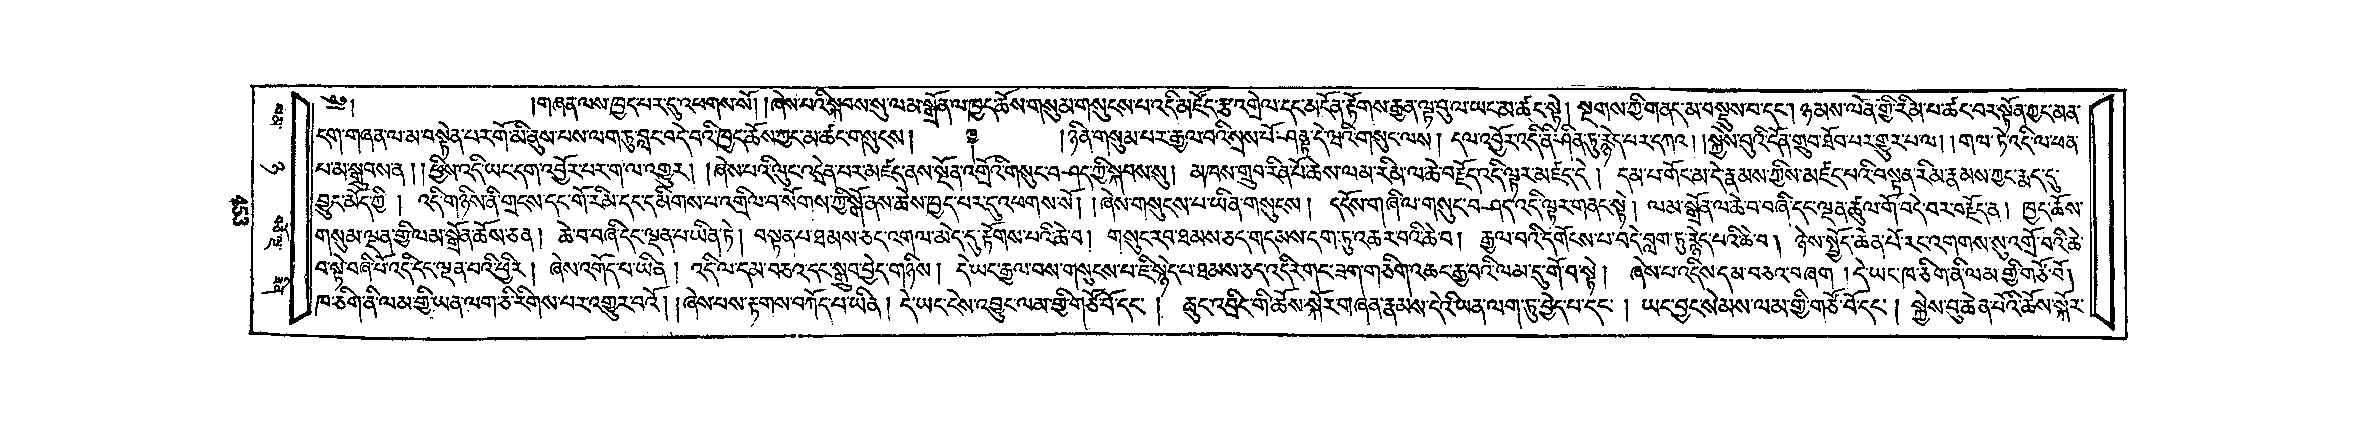༄༅། །གཞན་ལས་ཁྱད་པར་དུ་འཕགས་སོ། །ཞེས་པའི་སྐབས་སུ་ལམ་སྒྲོན་ལ་ཁྱད་ཆོས་གསུམ་གསུངས་པ་འདི་མཛོད་རྩ་འགྲེལ་དང་མངོན་རྟོགས་རྒྱན་ལྟ་བུ་ལ་ཡང་མ་ཚང་སྟེ། སྔགས་ཀྱི་གནད་མ་བསྡུས་པ་དང་། ཉམས་ལེན་གྱི་རིམ་པ་ཚང་བར་སྟོན་ཀྱང་མན་
ངག་གཞན་ལ་མ་བསྟེན་པར་གོ་མི་ནུས་པས་ལག་ཏུ་བླང་བདེ་བའི་ཁྱད་ཆོས་ཀྱང་མ་ཚང་གསུངས། ༈ །ཉིན་གསུམ་པར་རྒྱལ་བའི་སྲས་པོ་ཤནྟ་དེ་ཝའི་གསུང་ལས། དལ་འབྱོར་འདི་ནི་ཤིན་ཏུ་རྙེད་པར་དཀའ། །སྐྱེས་བུའི་དོན་གྲུབ་ཐོབ་པར་གྱུར་པ་ལ། །གལ་ཏེ་འདི་ལ་ཕན་
པ་མ་སྒྲུབས་ན། །ཕྱིས་འདི་ཡང་དག་འབྱོར་པར་ག་ལ་འགྱུར། །ཞེས་པའི་ལུང་འདྲེན་པར་མཛད་ནས་སྔོན་འགྲོའི་གསུང་བཤད་ཀྱི་སྐབས་སུ། མཁས་གྲུབ་རིན་པོ་ཆེས་ལམ་རིམ་ལ་ཆེ་བརྗོད་འདི་ལྟར་མཛད་དེ། དམ་པ་གོང་མ་དེ་རྣམས་ཀྱིས་མཛད་པའི་བསྟན་རིམ་རྣམས་ཀྱང་རྨད་དུ་
བྱུང་མོད་ཀྱི། འདི་གཉིས་ནི་གྲངས་དང་གོ་རིམ་དང་དམིགས་པ་འགྲིལ་བ་སོགས་ཀྱི་སྒོ་ནས་ཆེས་ཁྱད་པར་དུ་འཕགས་སོ། །ཞེས་གསུངས་པ་ཡིན་གསུངས། དངོས་གཞི་ལ་གསུང་བཤད་འདི་ལྟར་གནང་སྟེ། ལམ་སྒྲོན་ལ་ཆེ་བ་བཞི་དང་ལྡན་ཚུལ་གོ་བདེ་བར་བརྗོད་ན། ཁྱད་ཆོས་
གསུམ་ལྡན་གྱི་ལམ་སྒྲོན་ཆོས་ཅན། ཆེ་བ་བཞི་དང་ལྡན་པ་ཡིན་ཏེ། བསྟན་པ་ཐམས་ཅད་འགལ་མེད་དུ་རྟོགས་པའི་ཆེ་བ། གསུང་རབ་ཐམས་ཅད་གདམས་དག་ཏུ་འཆར་བའི་ཆེ་བ། རྒྱལ་བའི་དགོངས་པ་བདེ་བླག་ཏུ་རྙེད་པའི་ཆེ་བ། ཉེས་སྤྱོད་ཆེན་པོ་རང་འགགས་སུ་འགྲོ་བའི་ཆེ་
བ་སྟེ་བཞི་པོ་འདི་དད་ལྡན་པའི་ཕྱིར། ཞེས་འགོད་པ་ཡིན། འདི་ལ་དམ་བཅའ་དང་སྒྲུབ་བྱེད་གཉིས། དེ་ཡང་རྒྱལ་བས་གསུངས་པ་ཇི་སྙེད་པ་ཐམས་ཅད་འདིར་གང་ཟག་གཅིག་འཆང་རྒྱ་བའི་ལམ་དུ་གོ་བ་སྟེ། ཞེས་པ་འདིས་དམ་བཅའ་བཞག །དེ་ཡང་ཁ་ཅིག་ནི་ལམ་གྱི་གཙོ་བོ།
ཁ་ཅིག་ནི་ལམ་གྱི་ཡན་ལག་ཅི་རིགས་པར་འགྱུར་བའོ། །ཞེས་པས་རྟགས་བཀོད་པ་ཡིན། དེ་ཡང་ངེས་འབྱུང་ལམ་གྱི་གཙོ་བོ་དང་། ཆུང་འབྲིང་གི་ཆོས་སྐོར་གཞན་རྣམས་དེའི་ཡན་ལག་ཏུ་བྱེད་པ་དང་། ཡང་བྱང་སེམས་ལམ་གྱི་གཙོ་བོ་དང་། སྐྱེས་བུ་ཆེན་པོའི་ཆོས་སྐོར་